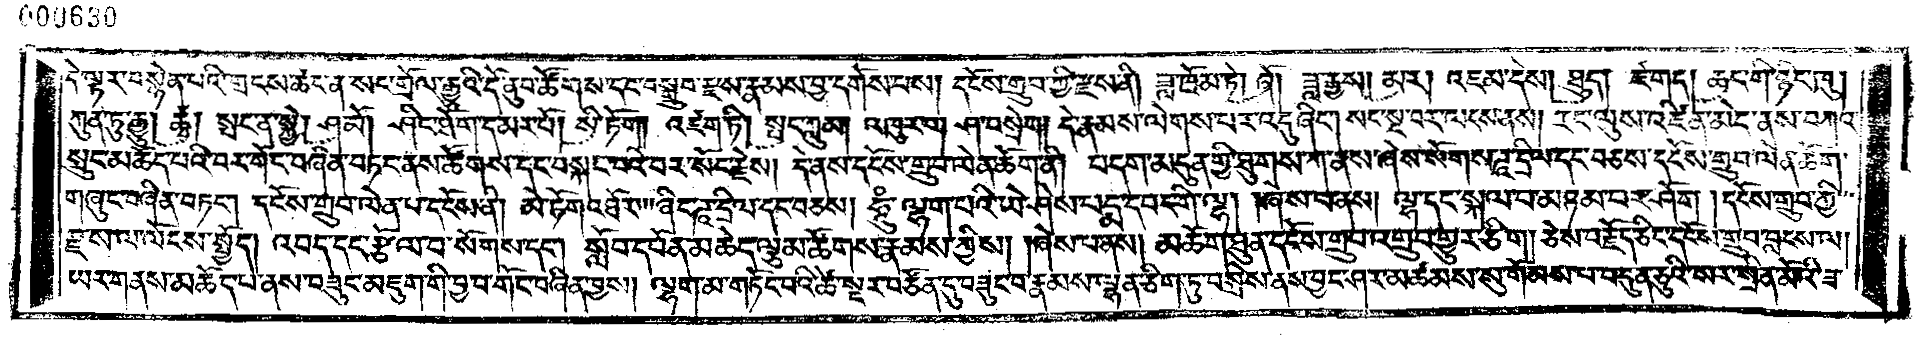དེ་ལྟར་བསྙེན་པའི་གྲངས་ཚང་ན་སང་གྲོལ་རྒྱུའི་དོ་ནུབ་ཚོགས་དང་བསྒྲུབ་རྫས་རྣམས་བྱ་དགོས་པས། དངོས་གྲུབ་ཀྱི་རྫས་ནི། ཟླ་ཁྲོམ་ཏེ། ཞོ། ཟླ་རྒྱས། མར། འཇམ་དེས། ཐུད། ཇེ་གད། ཚང་གི་ཉིང་ཁུ།
ཀུན་ཏུ་རྒྱུ། ཚྭ། སྤང་ན་སྐྱེ། ཤ་མོ། ཤིང་ཐོག་དམར་པོ། སི་ཏོག །འཛག་ཏི། སྤང་ཀླུམ། འཁུར་བ། ཤ་བསྲེག །དེ་རྣམས་ལེགས་པར་འདུ་ཞིང་། སང་སྔ་བར་ལངས་ནས། རང་ལུས་འཛིན་མེད་ནས་བཀའ་
སྲུང་མཆོད་པའི་བར་གོང་བཞིན་བཏང་ནས་ཚོགས་དང་བསྐང་བའི་བར་སོང་རྗེས། དེ་ནས་དངོས་གྲུབ་ལེན་ཆོག་ནི། བདག་མདུན་གྱི་ཐུགས་ཀ་ནས་ཞེས་སོགས་ཌཱ་དྲིལ་དང་བཅས་དངོས་གྲུབ་ལེན་ཆོག་
གཞུང་བཞིན་བཏང་། དངོས་གྲུབ་ལེན་པ་དངོས་ནི། མེ་ཏོག་འཐོར་ཞིང་ཌཱ་དྲིལ་དང་བཅས། ཧཱུཾ་ལྷག་པའི་ཡེ་ཤེས་པདམ་དབང་གི་ལྷ། །ཞེས་པ་ནས། ལྷ་དང་སྐལ་བ་མཉམ་པར་ཤོག །དངོས་གྲུབ་ཀྱི་
རྫས་ལ་ལོངས་སྤྱོད། འབད་དང་རྩོལ་བ་སོགས་དང་། སློབ་དཔོན་མཆེད་ལྕམ་ཚོགས་རྣམས་ཀྱིས། །ཞེས་པ་ནས། མཆོག་ཐུན་དངོས་གྲུབ་འགྲུབ་གྱུར་ཅིག །ཅེས་བརྗོད་ཅིང་དངོས་གྲུབ་བླངས་ལ།
ཡར་གནས་མཆོད་པ་ནས་བཟུང་མཇུག་གི་བྱ་བ་གོང་བཞིན་བྱས། ལྷག་མ་གཏོང་བའི་ཚེ་སྔར་བཙོན་དུ་བཟུང་བ་རྣམས་ལྷན་ཅིག་ཏུ་བསྲེས་ནས་བྱང་ཤར་མཚམས་སུ་གོམས་པ་བདུན་ཅུའི་སར་སྲིན་མོའི་ཟ་